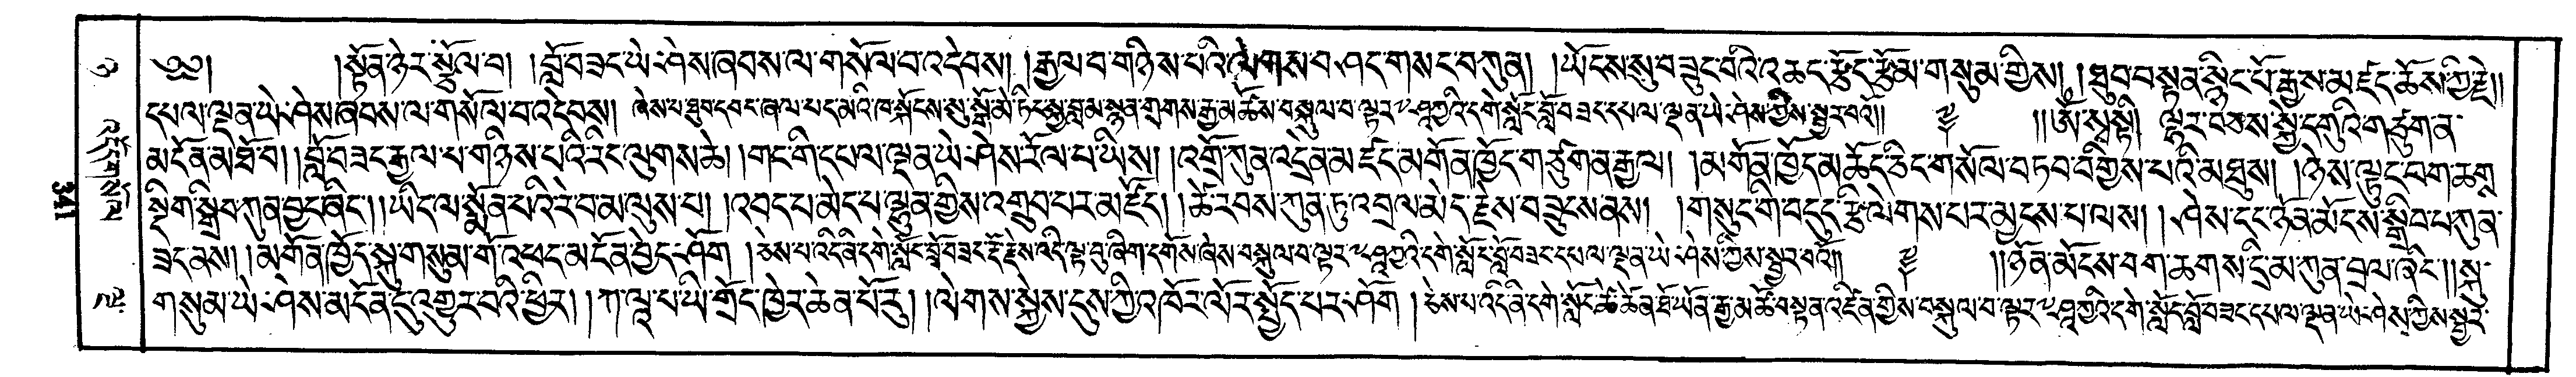༄༅། །སྟོན་ཉེར་སྩོལ་བ། །བློ་བཟང་ཡེ་ཤེས་ཞབས་ལ་གསོལ་བ་འདེབས། །རྒྱལ་བ་གཉིས་པའི་ལེགས་བཤད་གསང་བ་ཀུན། །ཡོངས་སུ་བཟུང་བའི་འཆད་རྩོད་རྩོམ་གསུམ་གྱིས། །ཐུབ་བསྟན་སྙིང་པོ་རྒྱས་མཛད་ཆོས་ཀྱི་རྗེ།།
དཔལ་ལྡན་ཡེ་ཤེས་ཞབས་ལ་གསོལ་བ་འདེབས། ཞེས་བ་ཐུབ་དབང་ཞལ་པད་མའི་ཁ་སྐོངས་སུ་སྒོ་མེ་ཏིང་སྐྱ་བླ་མ་སྙན་གྲགས་རྒྱ་མཚོས་བསྐུལ་བ་ལྟར་ཤཱཀྱའི་དགེ་སློང་བློ་བཟང་དཔལ་ལྡན་ཡེ་ཤེས་ཀྱིས་སྦྱར་བའོ།། ༈ །།ཨོཾ་སྭ་སྟི། ལྷར་བཅས་སྐྱེ་དགུའི་གཙུག་ན་
མངོན་མཐོ་བ། །བློ་བཟང་རྒྱལ་པ་གཉིས་པའི་རིང་ལུགས་ཆེ། །གང་གི་དཔལ་ལྡན་ཡེ་ཤེས་རོལ་པ་ཡིས། །འགྲོ་ཀུན་འདྲེན་མཛད་མགོན་ཁྱོད་གཙུག་ན་རྒྱལ། །མགོན་ཁྱོད་མཆོད་ཅིང་གསོལ་བཏབ་བགྱིས་པའི་མཐུས། །ཉེས་ལྟུང་བག་ཆགས་
སྡིག་སྒྲིབ་ཀུན་བྱང་ཞིང་། །ཡིད་ལ་སྨོན་པའི་རེ་བ་མ་ལུས་པ། །འབད་པ་མེད་པ་ལྷུན་གྱིས་འགྲུབ་པར་མཛོད། །ཚེ་རབས་ཀུན་ཏུ་འབྲལ་མེད་རྗེས་བཟུངས་ནས། །གསུང་གི་བདུད་རྩི་ལེགས་པར་མྱངས་པ་ལས། །ཤེས་དང་ཉོན་མོངས་སྒྲིབ་པ་ཀུན་
ཟད་ནས། །མགོན་ཁྱོད་སྐུ་གསུམ་གོ་འཕང་མངོན་བྱེད་ཤོག །ཅེས་པ་འདི་ནི་དགེ་སློང་བློ་བཟང་རྡོ་རྗེས་འདི་ལྟ་བུ་ཞིག་དགོས་ཞེས་བསྐུལ་བ་ལྟར ༧ཤཱཀྱའི་དགེ་སློང་བློ་བཟང་དཔལ་ལྡན་ཡེ་ཤེས་ཀྱིས་སྦྱར་བའོ།། ༈ །།ཉོན་མོངས་བག་ཆགས་དྲི་མ་ཀུན་བྲལ་ཞིང་། །སྐུ་
གསུམ་ཡེ་ཤེས་མངོན་དུ་འགྱུར་བའི་ཕྱིར། །ཀ་ལཱ་པ་ཡི་གྲོང་ཁྱེར་ཆེན་པོ་རུ། །ལེགས་སྐྱེས་དུས་ཀྱི་འཁོར་ལོར་སྤྱོད་པར་ཤོག །ཅེས་བ་འདི་ནི་དགེ་སློང་ཚེ་ཆེན་ཐོ་ཡོན་རྒྱ་མཚོ་བསྟན་འཛིན་གྱིས་བསྐུལ་བ་ལྟར ༧ཤཱཀྱའི་དགེ་སློང་བློ་བཟང་དཔལ་ལྡན་ཡེ་ཤེས་ཀྱིས་སྦྱར་